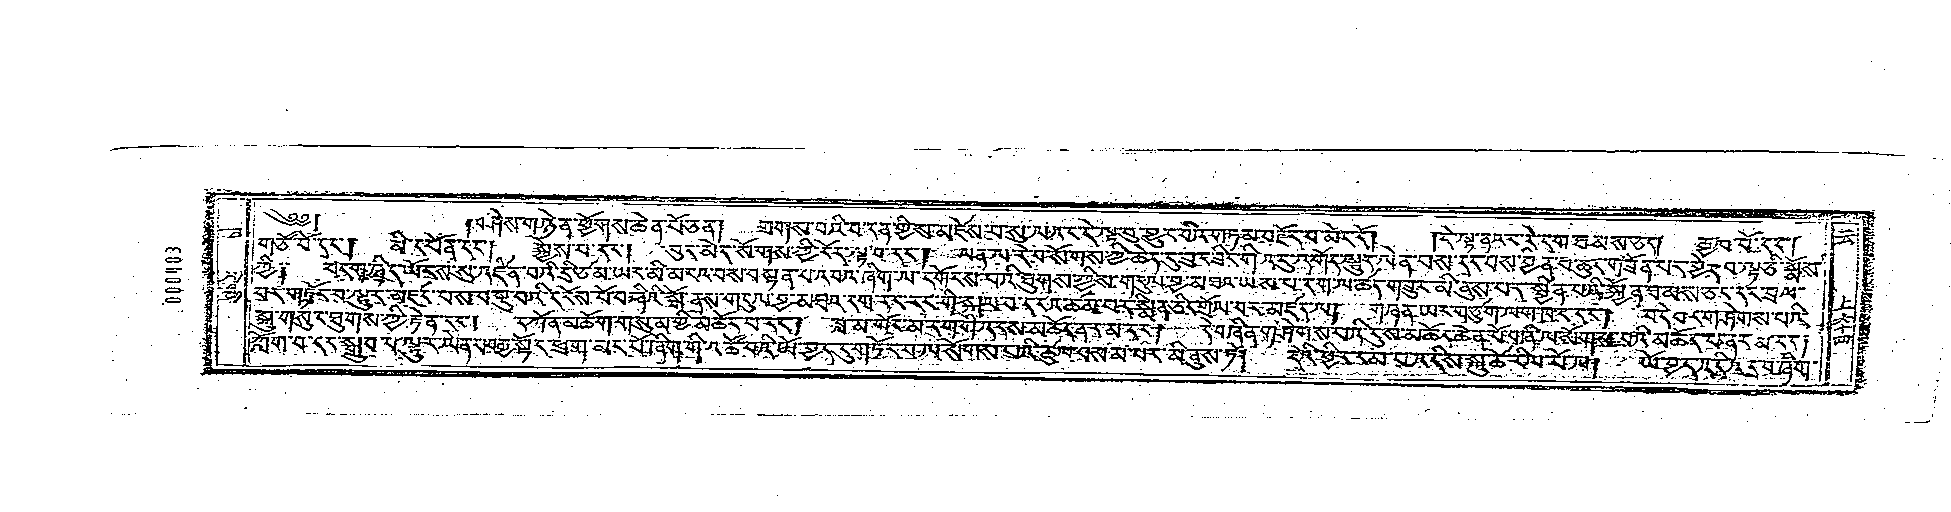༄༅། །བཤེས་གཉེན་ཕྱོགས་ཆེན་པོ་ཅན། གྲགས་བའི་བ་དན་གྱིས་མཛེས་པ་སུ་ལའང་དེ་ལྟ་བུ་བྱུང་བའི་གཏམ་བརྗོད་པ་མེད་དོ། །དེ་ལྟ་ནའང་དེ་དག་ཐམས་ཅད། རྒྱལ་པོ་དང་།
གཙོ་བོ་དང་། མི་དཔོན་དང་། སྐྱེས་པ་དང་། བུད་མེད་སོགས་ཀྱི་ངོར་ལྟ་བ་དང་། ལན་ལ་རེ་བ་སོགས་ཀྱི་ཆེད་དུ་ཟང་ཟིང་གི་འདུ་འགོད་ལྷུར་ལེན་པས་དང་བས་བྱིན་བ་ཆུང་གཟོན་པར་བྱེད་པ་ལྟ་ཅི་སྨོས་
ཀྱི༑ བདག་ཉིད་ཡོངས་སུ་འཛིན་པའི་དྲི་ཙམ་ཡང་མི་མངའ་བས་བསྟན་པ་འབའ་ཞིག་ལ་དགོངས་པའི་ཐུགས་ཀྱིས་གདུལ་བྱ་མཐའ་ཡས་པ་དག་ལ་ཚད་གཟུང་མི་ནུས་པར་སྦྱིན་པའི་སྐྱོན་ཐམས་ཅད་དང་བྲལ་
བར་གཏོང་བ་ལྷུར་མཛད་པས་བསྡུ་བའི་དངོས་པོ་བཞིའི་སྒོ་ནས་གདུལ་བྱ་མཐའ་དག་རང་རང་གི་སྐལ་བ་དང་འཚམ་པར་སྨིན་ཅིང་གྲོལ་བར་མཛད་ལ། གཞན་ཡང་གཙུག་ལག་ཁང་དང་། བདེ་བར་གཤེགས་པའི་
སྐུ་གསུང་ཐུགས་ཀྱི་རྟེན་དང་། དཀོན་མཆོག་གསུམ་གྱི་མཆོད་པ་དང་། བླ་མ་གོང་མ་དག་གི་འདས་མཆོད་ན་ར་མ་དང་། དེ་བཞིན་གཤེགས་པའི་དུས་མཆོད་ཆེན་པོ་བཞི་ལ་སོགས་པའི་མཆོད་པ་ནར་མ་དང་།
ཀློག་བ་དང་སྒྲུབ་པ་ལྷུར་ལེན་པ་བརྒྱ་སྟོང་ཕྲག་མང་པོ་ཞིག་གི་འཚོ་བའི་ཡོ་བྱད་དུ་གཏོང་བ་ལ་སོགས་པའི་ཚུལ་བསམ་པར་མི་ནུས་ཏེ། དེའི་ཕྱིར་དམ་པ་འདིས་སྐུ་ཚེ་རིལ་པོ་ལ། ཡོ་བྱད་འདི་འདྲ་བ་ཞིག་